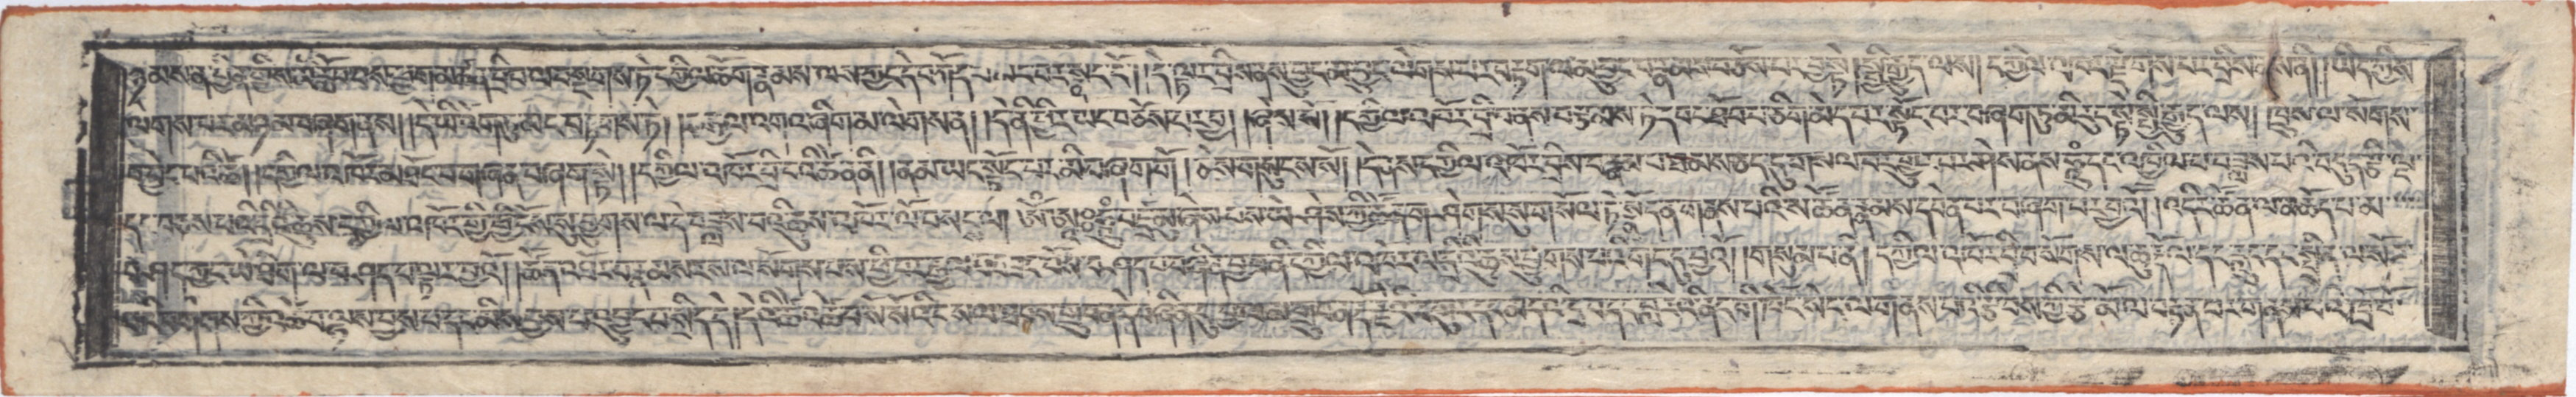ཉམས་ན་བྱིན་གྱིས་མི་རློབ་བས་ཕྱག་མཚན་བྲི་བ་ལ་བསྔགས་ཏེ་དཀྱིལ་ཆོག་རྣམས་ལས་ཀྱང་དེ་བཀོད་པ་མང་བར་སྣང་ངོ། །དེ་ལྟར་བྲིས་ནས་བྱུང་མ་བྱུང་ལེགས་པར་བརྟག་ལ་མ་བྱུང་བ་རྣམས་བཅོས་པར་བྱ་སྟེ། སྤྱི་རྒྱུད་ལས། དཀྱིལ་འཁོར་རྫོགས་པར་བྲིས་ནས་ནི། །ཡིད་ཀྱིས་
ལེགས་པར་མཉམ་བཞག་ནས། །དེ་ཡི་འོག་ཏུ་མང་བརྟགས་ཏེ། །ང་རྒྱལ་འགའ་ཞིག་མ་ལེགས་ན། །དེ་ནི་ཕྱིར་ཡང་བཅོས་པར་བྱ། །ཞེས་སོ། །དཀྱིལ་འཁོར་བྲི་བ་ནས་བརྩམས་ཏེ་དབང་ཐོབ་པ་ཅིག་མེད་པར་སྟོང་པར་བཞག་ཏུ་མི་རུང་སྟེ་སྤྱི་རྒྱུད་ལས། ཁྲུས་ལ་སོགས་
པ་བྱེད་པའི་ཚེ། །དཀྱིལ་འཁོར་མཐོང་བ་གཞན་བཞག་སྟེ། །དཀྱིལ་འཁོར་བྲི་བའི་ཚེ་ན་ནི། །ནམ་ཡང་སྟོང་པར་མི་བཞག་གོ །ཅེས་གསུངས་སོ། །དེ་ནས་དཀྱིལ་འཁོར་བྲིས་པ་རྣམ་པ་ཐམས་ཅད་དུ་གསལ་བར་གྱུར་པར་ཤེས་ནས་ཧཱུཾ་དང་འཁྱིལ་པ་བཟླས་པའི་བདུད་རྩི་ལྔ་
དང་བཅས་པའི་དྲིའི་ཆུས་དཀྱིལ་འཁོར་གྱི་ཕྱི་ངོས་སུ་བྱུགས་ལ་དེ་བཟླས་པའི་ཆུས་འཁོར་ལོ་བསངས་ལ། ཨོཾ་ཨཱཿ ཧཱུཾ་བཛྲ་མུ་ཞེས་པས་ཡེ་ཤེས་ཀྱི་ཚོན་གཤེགས་སུ་གསོལ་ཏེ་སྣོད་ན་གནས་པའི་ས་ཚོན་རྣམས་དབེན་པར་བཞག་པར་བྱའོ། །འདིར་ཚོན་ལ་མཆོད་པ་མ་
བཤད་ཀྱང་ཡི་ཐིག་ལ་བཤད་པ་ལྟར་བྱའོ། །ཚོན་འཐོར་བ་རྣམས་རས་ལ་སོགས་པས་ཕྱི་བར་རྒྱལ་བ་བཟང་པོས་བཤད་པ་བཞིན་བྱ་བ་ནི་དཀྱིལ་འཁོར་ལ་དྲིའི་ཆུས་བྱུགས་པའི་གོང་དུ་བྱའོ། །གསུམ་པ་ནི། དཀྱིལ་འཁོར་བྲི་བ་སོགས་ལ་ཆུ་རྡོལ་དང་རླུང་དང་སྤྲིན་ལ་སོགས་
པའི་བགེགས་ཀྱི་འཚེ་བ་ལྷས་བྱས་པ་དང་མིས་བྱས་པ་འབྱུང་བ་སྲིད་དེ། དེའི་ཚེ་འཚེ་བ་སོ་སོའི་བསལ་ཐབས་གྲུབ་ན་དེ་བཞིན་དུ་བྱ་ལ་མ་གྲུབ་ན་རྡོ་རྗེའི་ར་གུར་དང་མདའི་དྲ་བ་དང་བླ་རེའི་ནང་གི་ཁོང་སེང་ལ་གནས་པའི་རྩིབས་ཀྱི་རྩེ་མོ་ལ་བརྟན་པར་གནས་པའི་ཁྲོ་བོ་